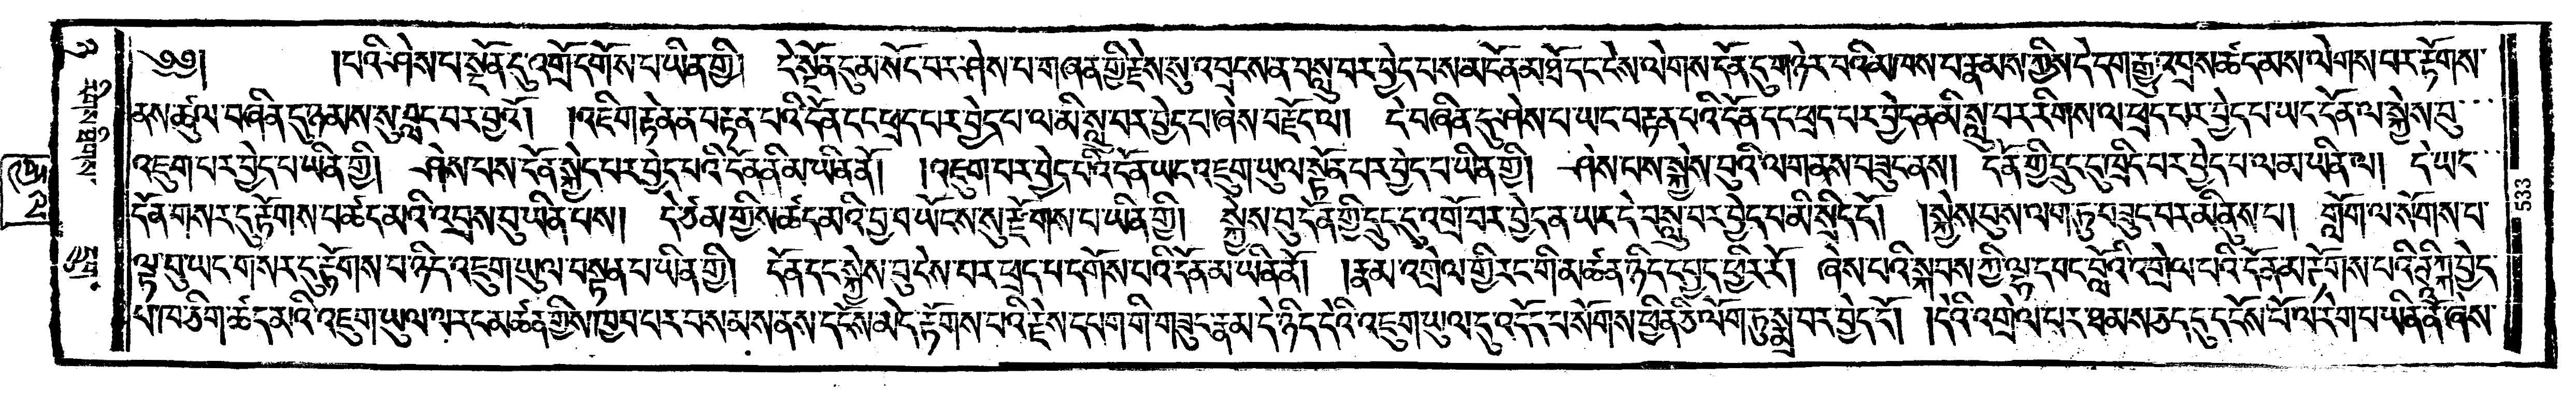༄༅། །པའི་ཤེས་པ་སྔོན་དུ་འགྲོ་དགོས་པ་ཡིན་གྱི། དེ་སྔོན་དུ་མ་སོང་བར་ཤེས་པ་གཞན་གྱི་རྗེས་སུ་འབྲངས་ན་བསླུ་བར་བྱེད་པས་མངོན་མཐོ་དང་ངེས་ལེགས་དོན་དུ་གཉེར་བའི་མཁས་པ་རྣམས་ཀྱིས་དེ་དག་རྒྱུ་འབྲས་ཚད་མས་ལེགས་བར་རྟོགས་
ནས་ཚུལ་བཞིན་དུ་ཉམས་སུ་བླང་བར་བྱའོ། །འཇིག་རྟེན་ན་བརྟན་པའི་དོན་དང་ཕྲད་པར་བྱེད་པ་ལ་མི་སླུ་བར་བྱེད་པ་ཞེས་བརྗོད་ལ། དེ་བཞིན་དུ་ཤེས་པ་ཡང་བརྟན་པའི་དོན་དང་ཕྲད་པར་བྱེད་ན་མི་སླུ་བར་རིགས་ལ་ཕྲད་པར་བྱེད་པ་ཡང་དོན་ལ་སྐྱེས་བུ་
འཇུག་པར་བྱེད་པ་ཡིན་གྱི། ཤེས་པས་དོན་སྐྱེད་པར་བྱེད་པའི་དོན་ནི་མ་ཡིན་ནོ། །འཇུག་པར་བྱེད་པའི་དོན་ཡང་འཇུག་ཡུལ་སྟོན་པར་བྱེད་པ་ཡིན་གྱི། ཤེས་པས་སྐྱེས་བུའི་ལག་ནས་བཟུང་ནས། དོན་གྱི་དྲུང་དུ་ཁྲིད་པར་བྱེད་པ་ལ་མ་ཡིན་ལ། དེ་ཡང་
དོན་གསར་དུ་རྟོགས་པ་ཚད་མའི་འབྲས་བུ་ཡིན་པས། དེ་ཙམ་གྱིས་ཚད་མའི་བྱ་བ་ཡོངས་སུ་རྫོགས་པ་ཡིན་གྱི། སྐྱེས་བུ་དོན་གྱི་དྲུང་དུ་འགྲོ་བར་བྱེད་ན་ཡང་དེ་བསླུ་བར་བྱེད་པ་མི་སྲིད་དོ། །སྐྱེས་བུས་ལག་ཏུ་བཟུང་བར་མི་ནུས་པ། གློག་ལ་སོགས་པ་
ལྟ་བུ་ཡང་གསར་དུ་རྟོགས་པ་ཉིད་འཇུག་ཡུལ་བསྟན་པ་ཡིན་གྱི། དོན་དང་སྐྱེས་བུ་ངེས་པར་ཕྲད་པ་དགོས་པའི་དོན་མ་ཡིན་ནོ། །རྣམ་འགྲེལ་གྱི་རང་གི་མཚན་ཉིད་དཔྱད་ཕྱིར་རོ། ཞེས་པའི་སྐབས་ཀྱི་ལྷ་དབང་བློའི་འགྲེལ་བའི་དོན་མ་རྟོགས་པའི་ཊཱིཀྐ་བྱེད་
པ་ཁ་ཅིག་ཚད་མའི་འཇུག་ཡུལ་ལ་རང་མཚན་གྱིས་ཁྱབ་པར་བསམས་ནས་དངོས་མེད་རྟོགས་པའི་རྗེས་དཔག་གི་གཟུང་རྣམ་དེ་ཉིད་དེའི་འཇུག་ཡུལ་དུ་འདོད་པ་སོགས་ཕྱིན་ཅི་ལོག་ཏུ་སྨྲ་བར་བྱེད་དོ། །དེའི་འགྲེལ་པར་ཐམས་ཅད་དུ་དངོས་པོ་ལ་རེག་པ་ཡིན་ནོ་ཞེས་